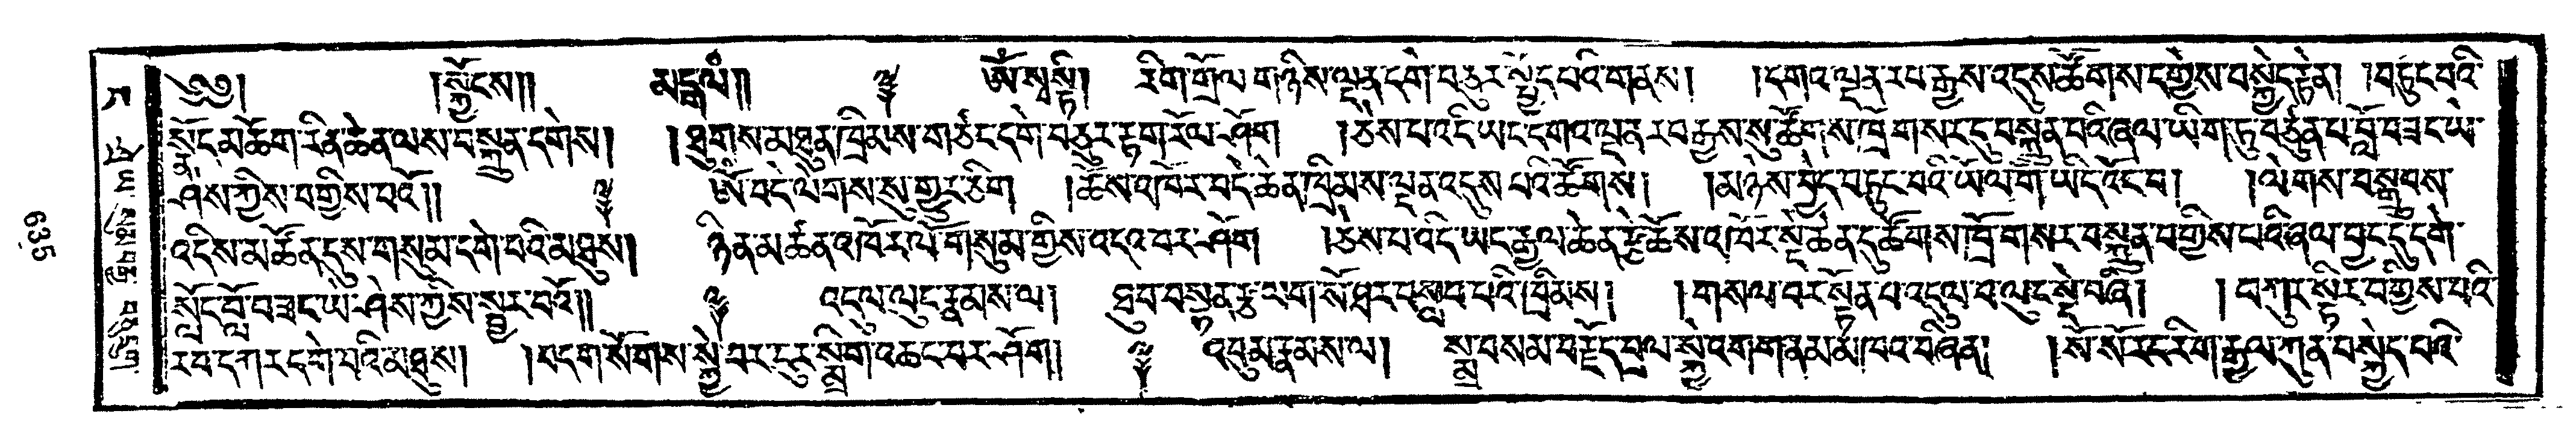༄༅། །སྐྱོངས། །མངྒལཾ།། ༈ ཨོཾ་སྭསྟི། རིག་གྲོལ་གཉིས་ལྡན་དགེ་བཅུར་སྤྱོད་པའི་གནས། །དགའ་ལྡན་རབ་རྒྱས་འདུས་ཚོགས་དགྱེས་བསྐྱེད་རྟེན། །བཏུང་བའི་
སྣོད་མཆོག་རིན་ཆེན་ལས་བསྐྲུན་དགེས། །ཐུགས་མཐུན་ཁྲིམས་གཙང་དགེ་བཅུར་རྟག་རོལ་ཤོག །ཅེས་པ་འདི་ཡང་དགའ་ལྡན་རབ་རྒྱས་སུ་ཚོགས་ཁྲོ་གསར་དུ་བསྐྲུན་པའི་ཞལ་ཡིག་ཏུ་བཙུན་པ་བློ་བཟང་ཡེ་
ཤེས་ཀྱིས་བགྱིས་པའོ།། ༈ ཨོཾ་བདེ་ལེགས་སུ་གྱུར་ཅིག །ཆོས་འཁོར་བདེ་ཆེན་ཁྲིམས་ལྡན་འདུས་པའི་ཚོགས། །མཉེས་བྱེད་བཏུང་བའི་ཡོལ་གོ་ཡིད་འོང་བ། །ལེགས་བསྒྲུབས་
འདིས་མཚོན་དུས་གསུམ་དགེ་བའི་མཐུས། ཉིན་མཚན་འཁོར་ལོ་གསུམ་གྱིས་འདའ་བར་ཤོག །ཅེས་པ་འདི་ཡང་རྒྱལ་ཆེན་རྩེ་ཆོས་འཁོར་སྡེ་ཆེན་དུ་ཚོགས་ཁྲོ་གསར་བསྐྲུན་བགྱིས་པའི་ཞལ་བྱང་དུ་དགེ་
སློང་བློ་བཟང་ཡེ་ཤེས་ཀྱིས་སྦྱར་བའོ།། ༈ འདུལ་ལུང་རྣམས་ལ། ཐུབ་བསྟན་རྩ་ལག་སོ་ཐར་བསླབ་པའི་ཁྲིམས། །གསལ་བར་སྟོན་པ་འདུལ་བ་ལུང་སྡེ་བཞི། །བཀུར་སྟིར་བགྱིས་པའི་
རབ་དཀར་དགེ་བའི་མཐུས། །བདག་སོགས་སྐྱེ་བར་དུར་སྨྲིག་འཆང་བར་ཤོག། ༈ འབུམ་རྣམས་ལ། སྨྲ་བསམ་བརྗོད་བྲལ་སྐྱེ་འགག་ནམ་མཁའ་བཞིན། །སོ་སོ་རང་རིག་རྒྱལ་ཀུན་བསྐྱེད་པའི་